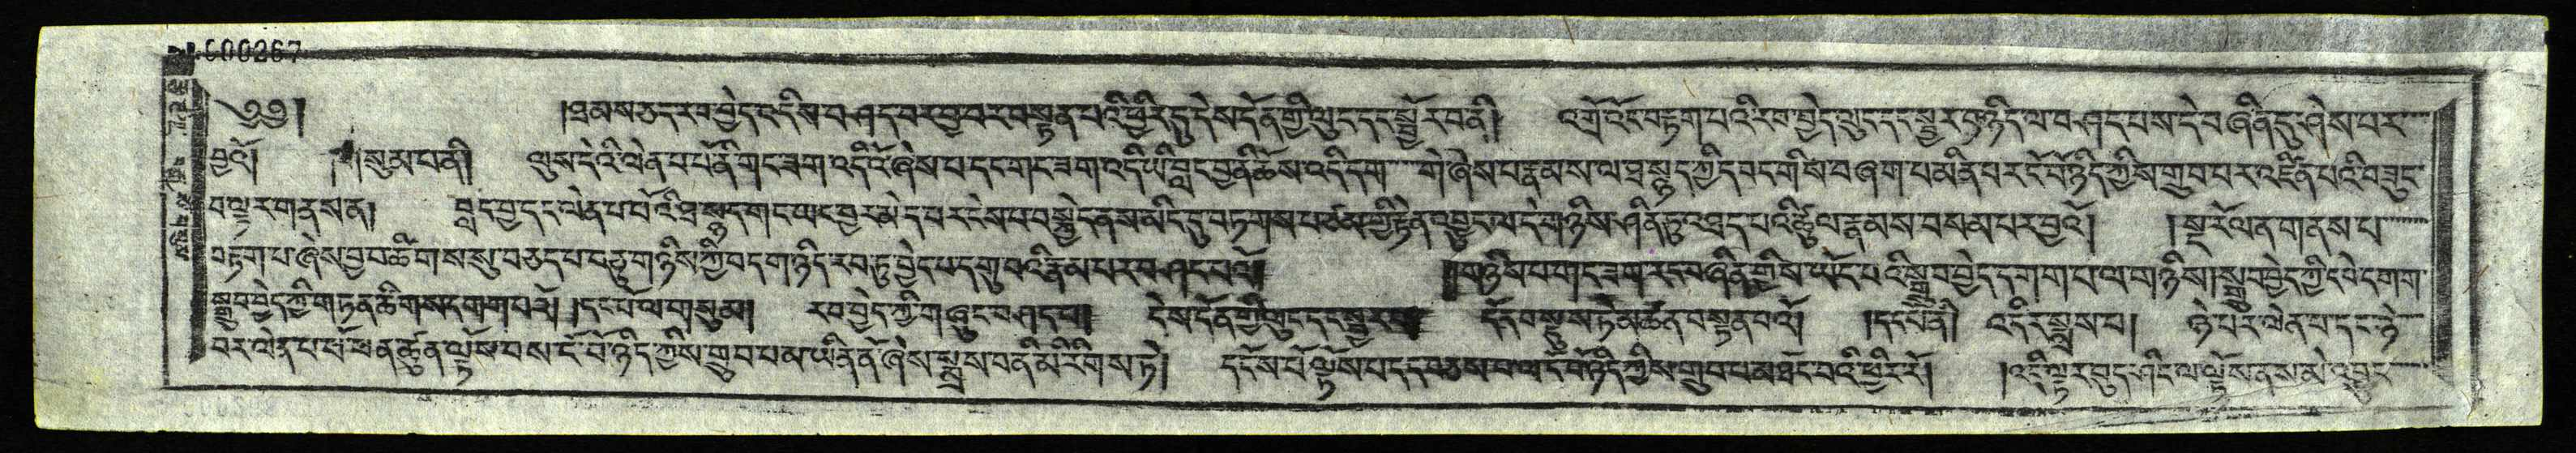༄༅། །ཐམས་ཅད་རབ་བྱེད་འདིས་བཤད་པར་བྱ་བར་བསྟན་པའི་ཕྱིར་དུ་དེས་དོན་གྱི་ལུང་དང་སྦྱོར་བ་ནི། འགྲོ་འོང་བརྟག་པའི་རབ་བྱེད་ལུང་དང་སྦྱར་བ་ཉིད་ལ་བཤད་པས་དེ་བཞིན་དུ་ཤེས་པར་
བྱའོ། །གསུམ་པ་ནི། ལུས་དེའི་ལེན་པ་པོ་ནི་གང་ཟག་འདིའོ་ཞེས་པ་དང་གང་ཟག་འདི་ཡི་བླང་བྱ་ནི་ཆོས་འདི་དག་གེ་ཞེས་པ་རྣམས་ལ་ཐ་སྙད་ཀྱི་དབང་གིས་བཞག་པ་མིན་པར་ངོ་བོ་ཉིད་ཀྱིས་གྲུབ་པར་འཛིན་པའི་བཟུང་
བ་ལྟར་གནས་ན། བླང་བྱ་དང་ལེན་པ་པོའི་ཐ་སྙད་གང་ཡང་བྱར་མེད་པར་ངེས་པ་བསྐྱེད་ནས་མིང་དུ་བཏགས་པ་ཙམ་གྱི་རྟེན་འབྱུང་ལ་དེ་གཉིས་ཤིན་ཏུ་འཐད་པའི་ཚུལ་རྣམས་བསམ་པར་བྱའོ། །སྔ་རོལ་ན་གནས་པ་
བརྟག་པ་ཞེས་བྱ་བ་ཚིགས་སུ་བཅད་པ་བཅུ་གཉིས་ཀྱི་བདག་ཉིད་རབ་ཏུ་བྱེད་པ་དགུ་བའི་རྣམ་པར་བཤད་པའོ།། །།གཉིས་པ་གང་ཟག་རང་བཞིན་གྱིས་ཡོད་པའི་སྒྲུབ་བྱེད་དགག་པ་ལ་གཉིས། སྒྲུབ་བྱེད་ཀྱི་དཔེ་དགག་
སྒྲུབ་བྱེད་ཀྱི་གཏན་ཚིགས་དགག་པའོ། །དང་པོ་ལ་གསུམ། རབ་བྱེད་ཀྱི་གཞུང་བཤད་པ། དེས་དོན་གྱི་ལུང་དང་སྦྱར་བ། དོར་བསྡུས་ཏེ་མཚན་བསྟན་པའོ། །དང་པོ་ནི། འདིར་སྨྲས་པ། ཉེ་པར་ལེན་པ་དང་ཉེ་
བར་ལེན་པ་པོ་ཕན་ཚུན་ལྟོས་བས་ངོ་བོ་ཉིད་ཀྱིས་གྲུབ་པ་མ་ཡིན་ནོ་ཞེས་སྨྲས་བ་ནི་མི་རིགས་ཏེ། དངོས་པོ་ལྟོས་པ་དང་བཅས་པ་ལ་ངོ་བོ་ཉིད་ཀྱིས་གྲུབ་པ་མཐོང་བའི་ཕྱིར་རོ། །འདྲི་ལྟར་བུད་ཤིང་ལ་ལྟོས་ནས་མེ་འབྱུང་